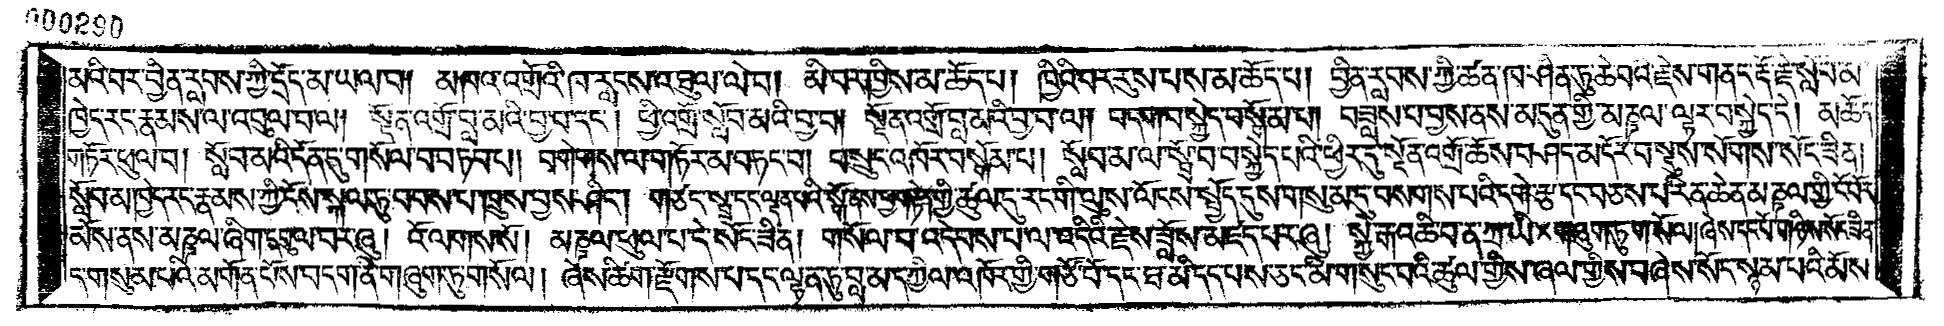མའི་བར་བྱིན་རླབས་ཀྱི་དྲོད་མ་ཡལ་བ། མཁའ་འགྲོའི་ཁ་རླངས་འཐུལ་ལེ་བ། མི་བར་ཁྱིས་མ་ཆོད་པ། ཁྱིའི་བར་རུས་པས་མ་ཆོད་པ། བྱིན་རླབས་ཀྱི་ཚན་ཁ་ཤིན་ཏུ་ཆེ་བའི་རྗེས་གནང་རྡོ་རྗེ་སློབ་མ་
ཁྱེད་རང་རྣམས་ལ་འབུལ་བ་ལ། སྔོན་འགྲོ་བླ་མའི་བྱ་བ་དང་། ཕྱི་འགྲོ་སློབ་མའི་བྱ་བ། སྔོན་འགྲོ་བླ་མའི་བྱ་བ་ལ། བདག་བསྐྱེད་བསྒོམ་པ། བཟླས་པ་བྱས་ནས་མདུན་གྱི་མཎྜལ་ལྟར་བསྐྱེད་དེ། མཆོད་
གཏོར་ཕུལ་བ། སློབ་མའི་དོན་དུ་གསོལ་བ་བཏབ་པ། བགེགས་ལ་གཏོར་མ་བཏང་བ། བསྲུང་འཁོར་བསྒོམ་པ། སློབ་མ་ལ་སྤྲོ་བ་བསྐྱེད་པའི་ཕྱིར་དུ་སྔོན་འགྲོ་ཆོས་བཤད་མདོར་བསྡུས་སོགས་སོང་ཟིན།
སློབ་མ་ཁྱེད་རང་རྣམས་ཀྱི་ངོས་སྐལ་ཏུ་བབས་པ་ཁྲུས་བྱས་ཤིང་། གཙང་སྤྲ་དང་ལྡན་པའི་སྒོ་ནས་ཕྱག་རྟེན་གྱི་ཚུལ་དུ་རང་གི་ལུས་ལོངས་སྤྱོད་དུས་གསུམ་དུ་བསགས་པའི་དགེ་རྩ་དང་བཅས་པ་རིན་ཆེན་མཎྜལ་གྱི་ངོ་བོར་
མོས་ནས་མཎྜལ་ཞིག་དབུལ་བར་ཞུ། འོ་ལགས་སོ། མཎྜལ་ཕུལ་པ་དེ་སོང་ཟིན། གསོལ་བ་འདེབས་པ་ལ་འདིའི་རྗེས་ཟློས་མཛད་པར་ཞུ། སྐྱེ་རྒ་འཆི་བ་ན་ཀྲ་ཡི྾་གཞུག་ཏུ་གསོལ། ཞེས་དང་པོ་གཉིས་སོང་ཟིན་
ད་གསུམ་པའི་མགོན་པོས་བདག་ནི་གཞུག་ཏུ་གསོལ། ཞེས་ཚིག་རྫོགས་པ་དང་ལྷན་ཏུ་བླ་མ་དཀྱིལ་འཁོར་གྱི་གཙོ་བོ་དང་ཐ་མི་དད་པས་ཅང་མི་གསུང་བའི་ཚུལ་གྱིས་ཞལ་གྱིས་བཞེས་སོང་སྙམ་པའི་མོས་